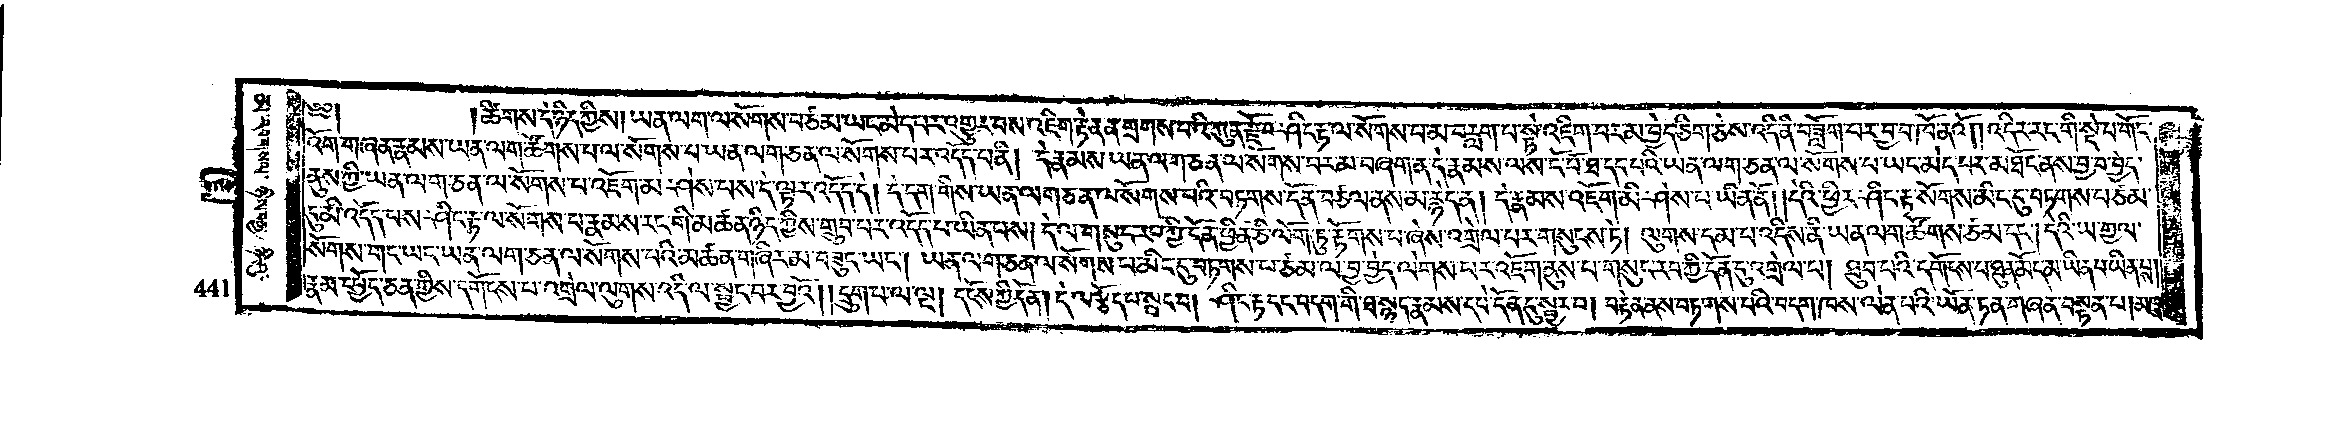༄༅། །ཚིགས་དེ་ཉིད་ཀྱིས། ཡན་ལག་ལ་སོགས་པ་ཙམ་ཡང་མེད་པར་འགྱུར་བས་འཇིག་རྟེན་ན་གྲགས་པའི་ཀུན་རྫོབ་ཤིང་རྟ་ལ་སོགས་པ་མ་བརླག་པ་སྟེ་འཇིག་པར་མ་བྱེད་ཅིག་ཅེས་འདི་ནི་བཟློག་པར་བྱ་བ་ཁོ་ནའོ། །འདིར་རང་གི་སྡེ་པ་གོང་
འོག་གཞན་རྣམས་ཡན་ལག་ཚོགས་པ་ལ་སོགས་པ་ཡན་ལག་ཅན་ལ་སོགས་པར་འདོད་པ་ནི། དེ་རྣམས་ཡན་ལག་ཅན་ལ་སོགས་པར་མ་བཞག་ན་དེ་རྣམས་ལས་ངོ་བོ་ཐ་དད་པའི་ཡན་ལག་ཅན་ལ་སོགས་པ་ཡང་མེད་པར་མཐོང་ནས་བྱ་བ་བྱེད་
ནུས་ཀྱི་ཡན་ལག་ཅན་ལ་སོགས་པ་འཇོག་མ་ཤེས་པས་དེ་ལྟར་འདོད་དེ། དེ་དག་གིས་ཡན་ལག་ཅན་ལ་སོགས་པའི་བཏགས་དོན་བཙལ་ནས་མ་རྙེད་ན། དེ་རྣམས་འཇོག་མི་ཤེས་པ་ཡིན་ནོ། །དེའི་ཕྱིར་ཤིང་རྟ་སོགས་མིང་དུ་བཏགས་པ་ཙམ་
དུ་མི་འདོད་པས་ཤིང་རྟ་ལ་སོགས་པ་རྣམས་རང་གི་མཚན་ཉིད་ཀྱིས་གྲུབ་པར་འདོད་པ་ཡིན་པས། དེ་ལ་གསུང་རབ་ཀྱི་དོན་ཕྱིན་ཅི་ལོག་ཏུ་རྟོགས་པ་ཞེས་འགྲེལ་པར་གསུངས་ཏེ། ལུགས་དམ་པ་འདིས་ནི་ཡན་ལག་ཚོགས་ཙམ་དང་། དེའི་ཡ་གྱལ་
སོགས་གང་ཡང་ཡན་ལག་ཅན་ལ་སོགས་པའི་མཚན་གཞིར་མ་བཟུང་ཡང་། ཡན་ལག་ཅན་ལ་སོགས་པ་མིང་དུ་བཏགས་པ་ཙམ་ལ་བྱ་བྱེད་ལེགས་པར་འཇོག་ནུས་པ་གསུང་རབ་ཀྱི་དོན་དུ་འགྲེལ་པ། ཐུབ་པའི་དགོངས་པ་ཐུན་མོང་མ་ཡིན་པ་ཡིན་པས།
རྣམ་དཔྱོད་ཅན་གྱིས་དགོངས་པ་འགྲེལ་ལུགས་འདི་ལ་སྦྱང་བར་བྱའོ། །དྲུག་པ་ལ་ལྔ། དངོས་ཀྱི་དོན། དེ་ལ་རྩོད་པ་སྤོང་བ། ཤིང་རྟ་དང་བདག་གི་ཐ་སྙད་རྣམས་དཔེ་དོན་དུ་སྦྱར་བ། བརྟེན་ནས་བཏགས་པའི་བདག་ཁས་ལེན་པའི་ཡོན་ཏན་གཞན་བསྟན་པ། མཁས་